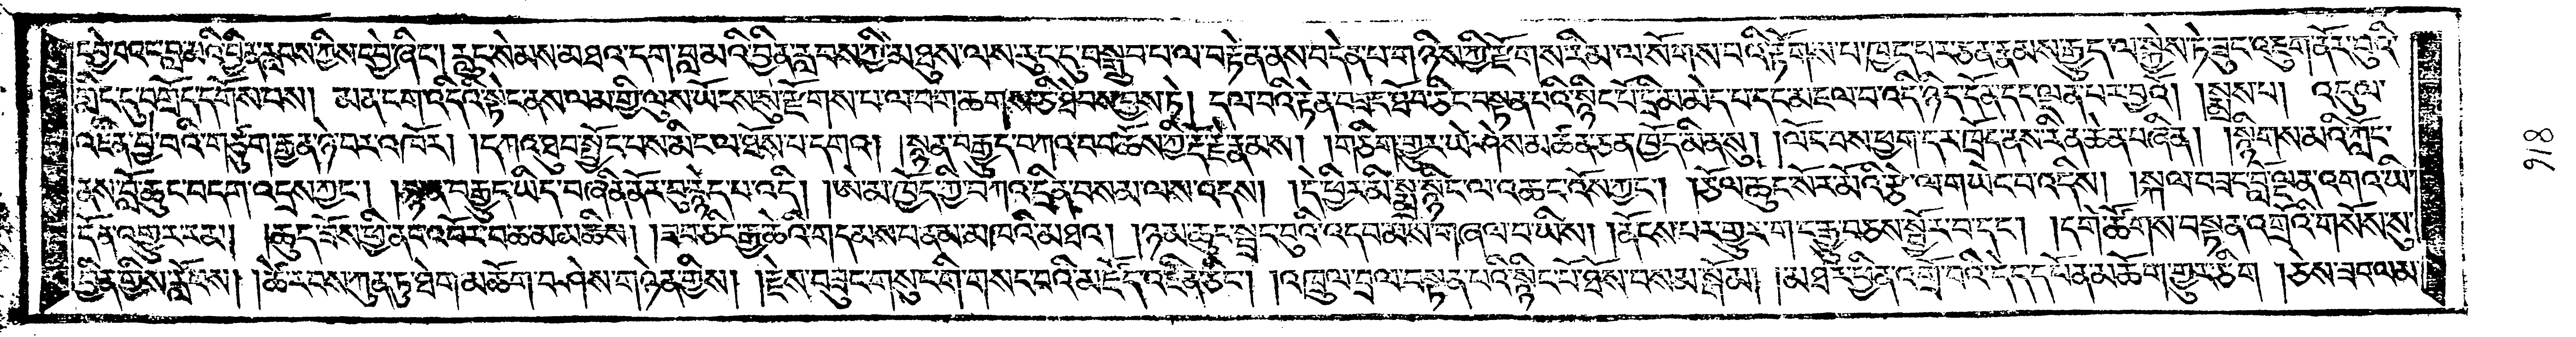དབྱེ་བའང་བླ་མའི་བྱིན་རླབས་ཀྱིས་དབྱེ་ཞིང་། རླུང་སེམས་མཐའ་དག་བླ་མའི་བྱིན་རླབས་ཀྱི་མཐུས་ལས་རུང་དུ་བསྒྲུབ་པ་ལ་བརྟེན་ནས་བདེན་པ་གཉིས་ཀྱི་རྫོགས་རིམ་ལ་སོགས་པའི་རྟོགས་པ་ཁྱད་པར་ཅན་རྣམས་རྒྱུད་ལ་སྐྱེས་ཏེ་ཟུང་འཇུག་ནོར་བུའི་
གླིང་དུ་བགྲོད་དགོས་པས། མན་ངག་འདིའི་སྟེང་ནས་ལམ་གྱི་ལུས་ཡོངས་སུ་རྫོགས་པ་ལ་བག་ཆགས་ཅི་ཐེབས་བྱས་ཏེ། དལ་བའི་རྟེན་བཟང་ཐོབ་ཅིང་བསྟན་པའི་སྙིང་པོ་དྲི་མ་མེད་པ་དང་མཇལ་བ་འདི་ཉིད་དོན་དང་ལྡན་པར་བྱའོ། །སྨྲས་པ། འདུལ་
འཛིན་བྱེ་བའི་གཙུག་རྒྱན་ཉེ་བར་འཁོར། །དཀའ་ཐུབ་སྤྱོད་པས་མིང་ལ་ཐོས་པ་དགར། །སྙན་བརྒྱུད་བཀའ་བབ་ཆོས་ཀྱི་རྡོ་རྗེ་རྣམས། །གཅིག་གྱུར་ཡེ་ཤེས་མཚན་ཅན་ཁྱོད་མིན་སུ། །ལོང་བས་ཕྱག་དར་ཁྲོད་ནས་རིམ་ཆེན་བཞིན། །སྙིགས་མའི་ཀློང་
ནས་བློ་ཆུང་བདག་འདྲས་ཀྱང་། །སྙན་བརྒྱུད་ཡིད་བཞིན་ནོར་བུ་རྙེད་པ་འདྲི། །ཨེ་མ་ཁྱོད་ཀྱི་བཀའ་དྲིན་བསམ་ལས་འདས། །དེ་ཕྱིར་མི་སྨྲ་སྙིང་ལ་འཆང་འོས་ཀྱང་། །ཅོལ་ཆུང་སོར་མོའི་རྩེ་ལ་གཡེང་བ་འདིས། །སྐལ་བཟང་བློ་ལྡན་འགའ་ཡི་
དོན་འགྱུར་རམ། །ཆུད་ཟོས་ཕྱི་ནང་འབོར་བ་ཆ་མ་མཆིས། །ཟབ་ཅིང་རྒྱ་ཆེའི་གདམས་པ་ནམ་མཁའི་མཐའ། །ཉམ་ཆུང་སྦྲང་བུའི་འདབ་མས་གཞལ་བ་ཡིས། །ནོངས་པར་གྱུར་གང་རྒྱུ་བཅས་སྦྱོར་བ་དང་། དགེ་ཚོགས་བསྟན་འགྲའི་གསོས་སུ་
བྱིན་གྱིས་རློབས། །ཚེ་རབས་ཀུན་ཏུ་ཐེག་མཆོག་བཤེས་གཉེན་གྱིས། །རྗེས་བཟུང་གསུང་གི་གསང་བའི་མཛོད་འཛིན་ཅིང་། །འཁྲུལ་བྲལ་བསྟན་པའི་སྙིང་པོ་ཐོས་བསམ་སྒོམ། །མཐར་ཕྱིན་འགྲོ་བའི་དེ་དཔོན་མཆོག་གྱུར་ཅིག །ཅེས་ཟབ་ལམ་